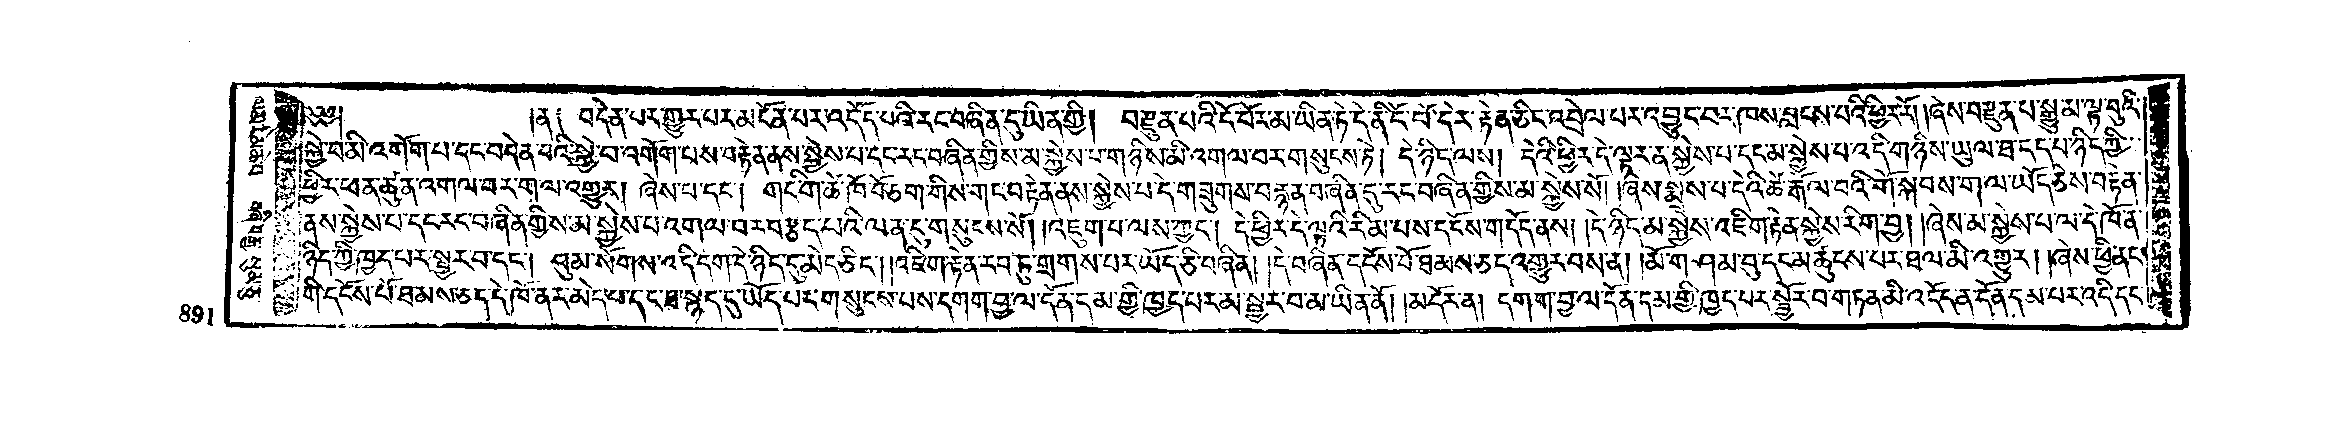༄༅། །ན༑ བདེན་པར་གྱུར་པར་མངོན་པར་འདོད་པའི་རང་བཞིན་དུ་ཡིན་གྱི། བརྫུན་པའི་ངོ་བོར་མ་ཡིན་ཏེ་དེ་ནི་ངོ་བོ་དེར་རྟེན་ཅིང་འབྲེལ་པར་འབྱུང་བར་ཁས་བླངས་པའི་ཕྱིར་རོ། །ཞེས་བརྫུན་པ་སྒྱུ་མ་ལྟ་བུའི་
སྐྱེ་བ་མི་འགོག་པ་དང་བདེན་པའི་སྐྱེ་བ་འགོག་པས་བརྟེན་ནས་སྐྱེས་པ་དང་རང་བཞིན་གྱིས་མ་སྐྱེས་པ་གཉིས་མི་འགལ་བར་གསུངས་ཏེ། དེ་ཉིད་ལས། དེའི་ཕྱིར་དེ་ལྟར་ན་སྐྱེས་པ་དང་མ་སྐྱེས་པ་འདི་གཉིས་ཡུལ་ཐ་དད་པ་ཉིད་ཀྱི་
ཕྱིར་ཕན་ཚུན་འགལ་བར་ག་ལ་འགྱུར། ཞེས་པ་དང་། གང་གི་ཚེ་ཁོ་བོ་ཅག་གིས་གང་བརྟེན་ནས་སྐྱེས་པ་དེ་གཟུགས་བརྙན་བཞིན་དུ་རང་བཞིན་གྱིས་མ་སྐྱེས་སོ། །ཞེས་སྨྲས་པ་དེའི་ཚེ་རྒོལ་བའི་གོ་སྐབས་ག་ལ་ཡོད་ཅེས་བརྟེན་
ནས་སྐྱེས་པ་དང་རང་བཞིན་གྱིས་མ་སྐྱེས་པ་འགལ་བར་བརྩད་པའི་ལན་དུ་གསུངས་སོ། །འཇུག་པ་ལས་ཀྱང་། དེ་ཕྱིར་དེ་ལྟའི་རིམ་པས་དངོས་གདོད་ནས། །དེ་ཉིད་མ་སྐྱེས་འཇིག་རྟེན་སྐྱེས་རིག་བྱ། །ཞེས་མ་སྐྱེས་པ་ལ་དེ་ཁོ་ན་
ཉིད་ཀྱི་ཁྱད་པར་སྦྱར་བ་དང་། བུམ་སོགས་འདི་དག་དེ་ཉིད་དུ་མེད་ཅིང་། །འཇིག་རྟེན་རབ་ཏུ་གྲགས་པར་ཡོད་ཅི་བཞིན། །དེ་བཞིན་དངོས་པོ་ཐམས་ཅད་འགྱུར་བས་ན། །མོ་གཤམ་བུ་དང་མཚུངས་པར་ཐལ་མི་འགྱུར། །ཞེས་ཕྱི་ནང་
གི་དངོས་པོ་ཐམས་ཅད་དེ་ཁོ་ནར་མེད་པ་དང་ཐ་སྙད་དུ་ཡོད་པར་གསུངས་པས་དགག་བྱ་ལ་དོན་དམ་གྱི་ཁྱད་པར་མ་སྦྱར་བ་མ་ཡིན་ནོ། །མདོར་ན། དགག་བྱ་ལ་དོན་དམ་གྱི་ཁྱད་པར་སྦྱོར་བ་གཏན་མི་འདོད་ན་དོན་དམ་པར་འདི་དང་